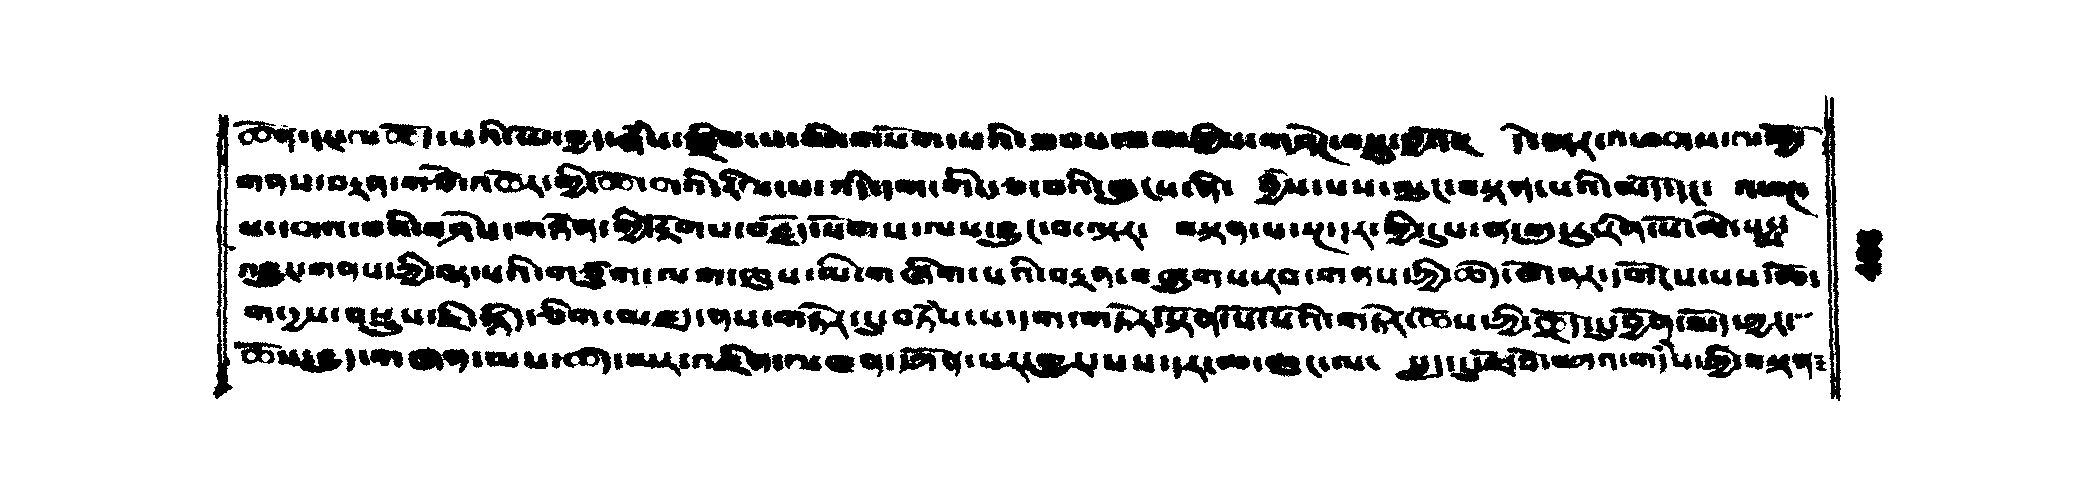ཚོན་དང་མཆོད་པའི་ཡོ་བྱད་རྣམས་སྒྲིབ་པ་མི་གསོག་པའི་ཐབས་མཁས་གྱིས་གཤེགས་བསྡུ་བྱའོ། དེ་ལྟར་འཕགས་མཆོག་
གནས་བརྟན་གཙོ་འཁོར་གྱི་ཆོ་གའི་རིམ་པ་འདི་དག་གི་རྩ་བའི་ཁུངས་ནི། བྱམས་པའི་ལུང་བསྟན་པའི་མདོ་དང་། འཕགས་
པ་དགའ་བའི་བཤེས་གཉེན་གྱིས་རྟོགས་བརྗོད་སོགས་ལས་བྱུང་བ་ལྟར། བསྟན་པ་སྔ་དར་གྱི་དུས་ན་གུ་རུ་རིན་པོ་ཆེ་པདྨ་
འབྱུང་གནས་ཀྱི་ལྷ་སའི་གཙུག་ལག་ཁང་ཆུས་མི་གཞིག་པའི་བརྟན་བཞུགས་རབ་གནས་ཀྱི་ཆེད་ཁོ་ནར་དགོངས་པས་ཆོ་
ག་རྒྱས་བསྡུས་ཇི་སྙེད་ཅིག་མཛད་ནས་གཏེར་དུ་བཏམས་པ་དག་གཏེར་སྟོན་སོ་སོའི་གཏེར་ཆོས་ཀྱི་ཁྲོད་དུ་བྱོན་མོད་ཀྱང་།
ཆོས་རྒྱུད་གཞན་ལས་ཚད་མར་འཛིན་མཁན་དཀོན་པར་གྱུར་པས་དར་ཆ་ཆུང་ལ། སླད་དུ་ཇོ་བོ་བཀའ་གདམས་ཀྱི་བསྟན་